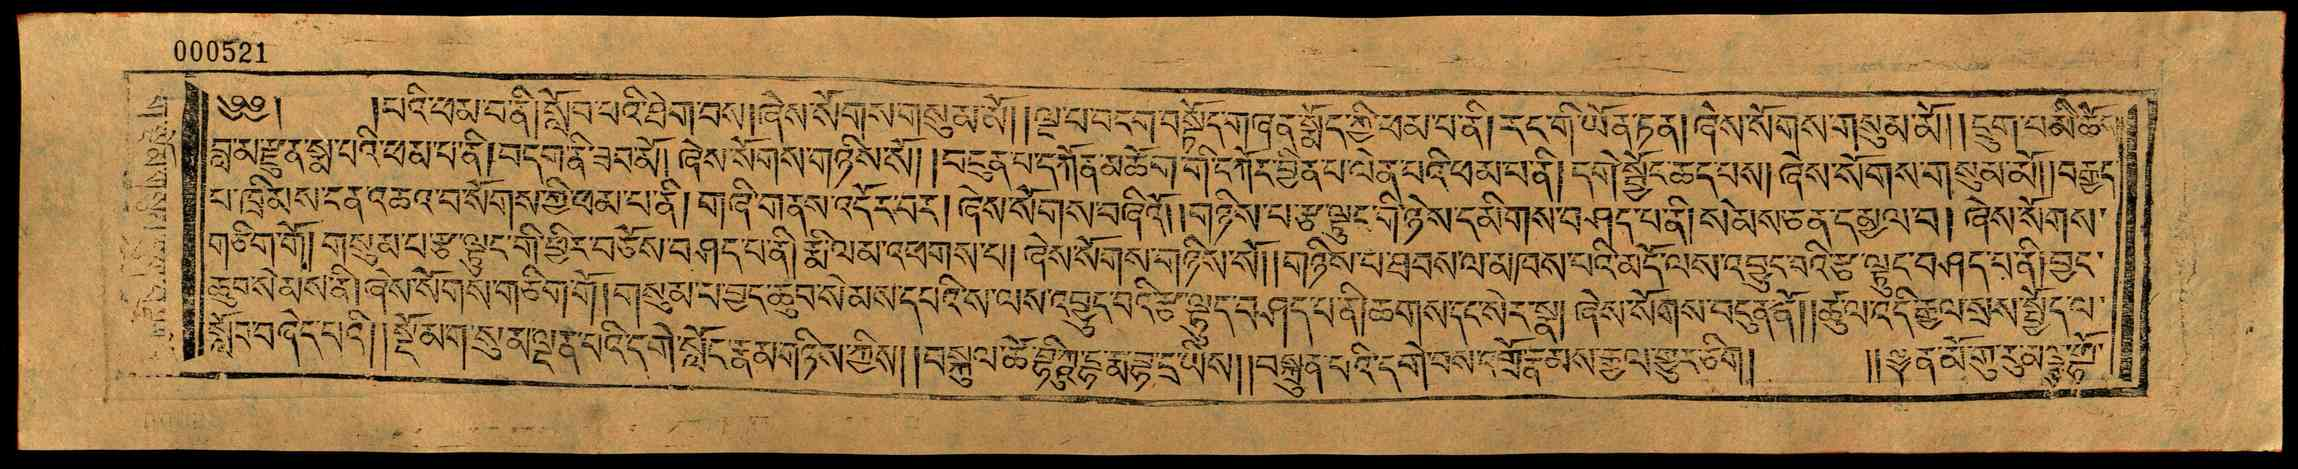༄༅། །པའི་ཕམ་པ་ནི། སློབ་པའི་ཐེག་པས། ཞེས་སོགས་གསུམ་མོ། །ལྔ་པ་བདག་བསྟོད་གཞན་སྨོད་ཀྱི་ཕམ་པ་ནི། རང་གི་ཡོན་ཏན། ཞེས་སོགས་གསུམ་མོ། །དྲུག་པ་མི་ཆོས་
བླ་མ་རྫུན་སྨྲ་བའི་ཕམ་པ་ནི། བདག་ནི་ཟབ་མོ། ཞེས་སོགས་གཉིས་སོ། །བདུན་པ་དཀོན་མཆོག་གི་དཀོར་བྱིན་པ་ལེན་པའི་ཕམ་པ་ནི། དགེ་སྦྱོང་ཆད་པས། ཞེས་སོགས་གསུམ་མོ། །བརྒྱད་
པ་ཁྲིམས་དན་འཆའ་བ་སོགས་ཀྱི་ཕམ་པ་ནི། གཞི་གནས་འདོར་བར། ཞེས་སོགས་བཞིའོ། །གཉིས་པ་རྩ་ལྟུང་གི་ཉེས་དམིགས་བཤད་པ་ནི། སེམས་ཅན་དམྱལ་བ། ཞེས་སོགས་
གཅིག་གོ། གསུམ་པ་རྩ་ལྟུང་གི་ཕྱིར་བཅོས་བཤད་པ་ནི། རྨི་ལམ་འཕགས་པ། ཞེས་སོགས་གཉིས་སོ། །གཉིས་པ་ཐབས་ལ་མཁས་པའི་མདོ་ལས་འབྱུང་བའི་རྩ་ལྟུང་བཤད་པ་ནི། བྱང་
ཆུབ་སེམས་ནི། ཞེས་སོགས་གཅིག་གོ། གསུམ་པ་བྱང་ཆུབ་སེམས་དཔའི་ས་ལས་འབྱུང་བའི་རྩ་ལྟུང་བཤད་པ་མི་ཆགས་དང་སེར་སྣ། ཞེས་སོགས་བདུན་ནོ། །ཚུལ་འདི་རྒྱལ་སྲས་སྤྱོད་ལ་
སློབ་བཞེད་པའི། །སྡོམ་གསུམ་ལྡན་པའི་དགེ་སློང་རྣམ་གཉིས་ཀྱིས། །བསྐུལ་ཚེ་བྷིཀྵཱ་ངྷྨ་རྨ་བྷ་དྲ་ཡིས། །བསྐྲུན་པའི་དགེ་བས་འགྲོ་རྣམས་རྒྱལ་གྱུར་ཅིག ། །། ༈ ན་མོ་གུ་རུ་མཉཛུ་གྷོ་